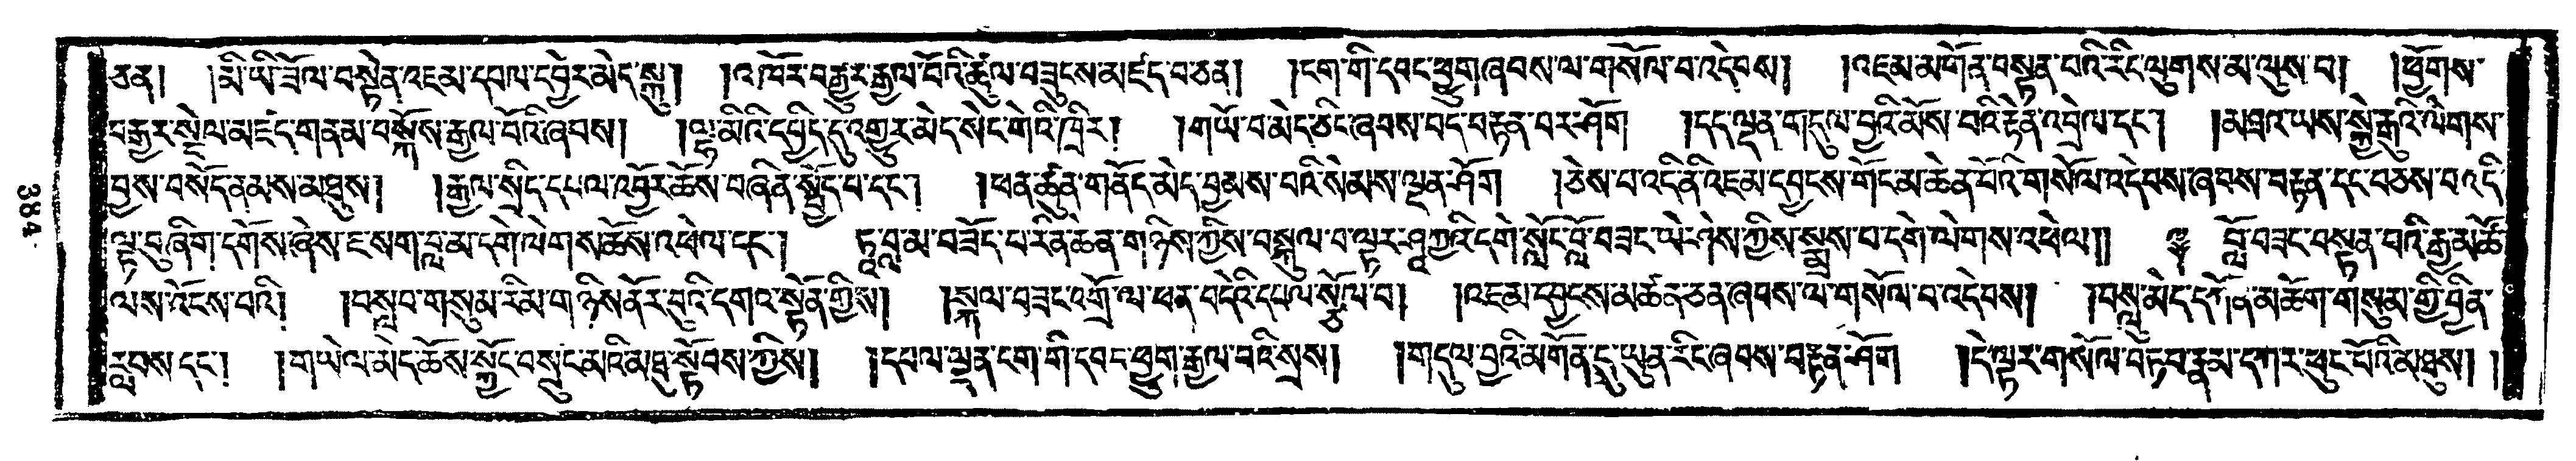ཅན། །མི་ཡི་ཟོལ་བསྟེན་འཇམ་དཔལ་དབྱེར་མེད་སྐུ། །འཁོར་བརྒྱུར་རྒྱལ་བོའི་ཚུལ་བཟུངས་མཛད་བ་ཅན། །ངག་གི་དབང་ཕྱུག་ཞབས་ལ་གསོལ་བ་འདེབས། །འཇམ་མགོན་བསྟན་པའི་རིང་ལུགས་མ་ལུས་བ། །ཕྱོགས་
བརྒྱར་སྦེལ་མཛད་གནམ་བསྐོས་རྒྱལ་བོའི་ཞབས། །ལྷ་མིའི་དཔྱིད་དུ་འགྱུར་མེད་སེང་གེའི་ཁྲིར། །གཡོ་བ་མེད་ཅིང་ཞབས་བད་བརྟན་བར་ཤོག །དད་ལྡན་གདུལ་བྱའི་མོས་བའི་རྟེན་འབྲེལ་དང་། །མཐའ་ཡས་སྐྱེ་རྒུའི་ལེགས་
བྱས་བསོད་ནམས་མཐུས། །རྒྱལ་སྲིད་དཔལ་འབྱོར་ཆོས་བཞིན་སྤྱོད་པ་དང་། །ཕན་ཚུན་གནོད་མེད་བྱམས་པའི་སེམས་ལྡན་ཤོག །ཅེས་པ་འདི་ནི་འཇམ་དབྱངས་གོང་མ་ཆེན་པོའི་གསོལ་འདེབས་ཞབས་བརྟན་དང་བཅས་བ་འདི་
ལྟ་བུ་ཞིག་དགོས་ཞེས་ཇ་སག་བླ་མ་དགེ་ལེགས་ཆོས་འཕེལ་དང་། ཏཱ་བླ་མ་བཟོད་པ་རིན་ཆེན་གཉིས་ཀྱིས་བསྐུལ་བ་ལྟར་ཤཱཀྱའི་དགེ་སློང་བློ་བཟང་ཡེ་ཤེས་ཀྱིས་སྨྲས་པ་དགེ་ལེགས་འཕེལ།། ༈ བློ་བཟང་བསྟན་པའི་རྒྱ་མཚོ་
ལས་འོངས་བའི། །བསླབ་གསུམ་རིམ་གཉིས་ནོར་བུའི་དགའ་སྟོན་གྱིས། །སྐལ་བཟང་འགྲོ་ལ་ཕན་བདེའི་དཔལ་སྩོལ་བ། །འཇམ་དབྱངས་མཚན་ཅན་ཞབས་ལ་གསོལ་བ་འདེབས། །བསླུ་མེད་དཀོན་མཆོག་གསུམ་གྱི་བྱིན་
རླབས་དང་། །གཡེལ་མེད་ཆོས་སྐྱོང་བསྲུང་མའི་མཐུ་སྟོབས་ཀྱིས། །དཔལ་ལྡན་ངག་གི་དབང་ཕྱུག་རྒྱལ་བའི་སྲས། །གདུལ་བྱའི་མགོན་དུ་ཡུན་རིང་ཞབས་བརྟན་ཤོག །དེ་ལྟར་གསོལ་བཏབ་རྣམ་དཀར་ཕུང་པོའི་མཐུས། །